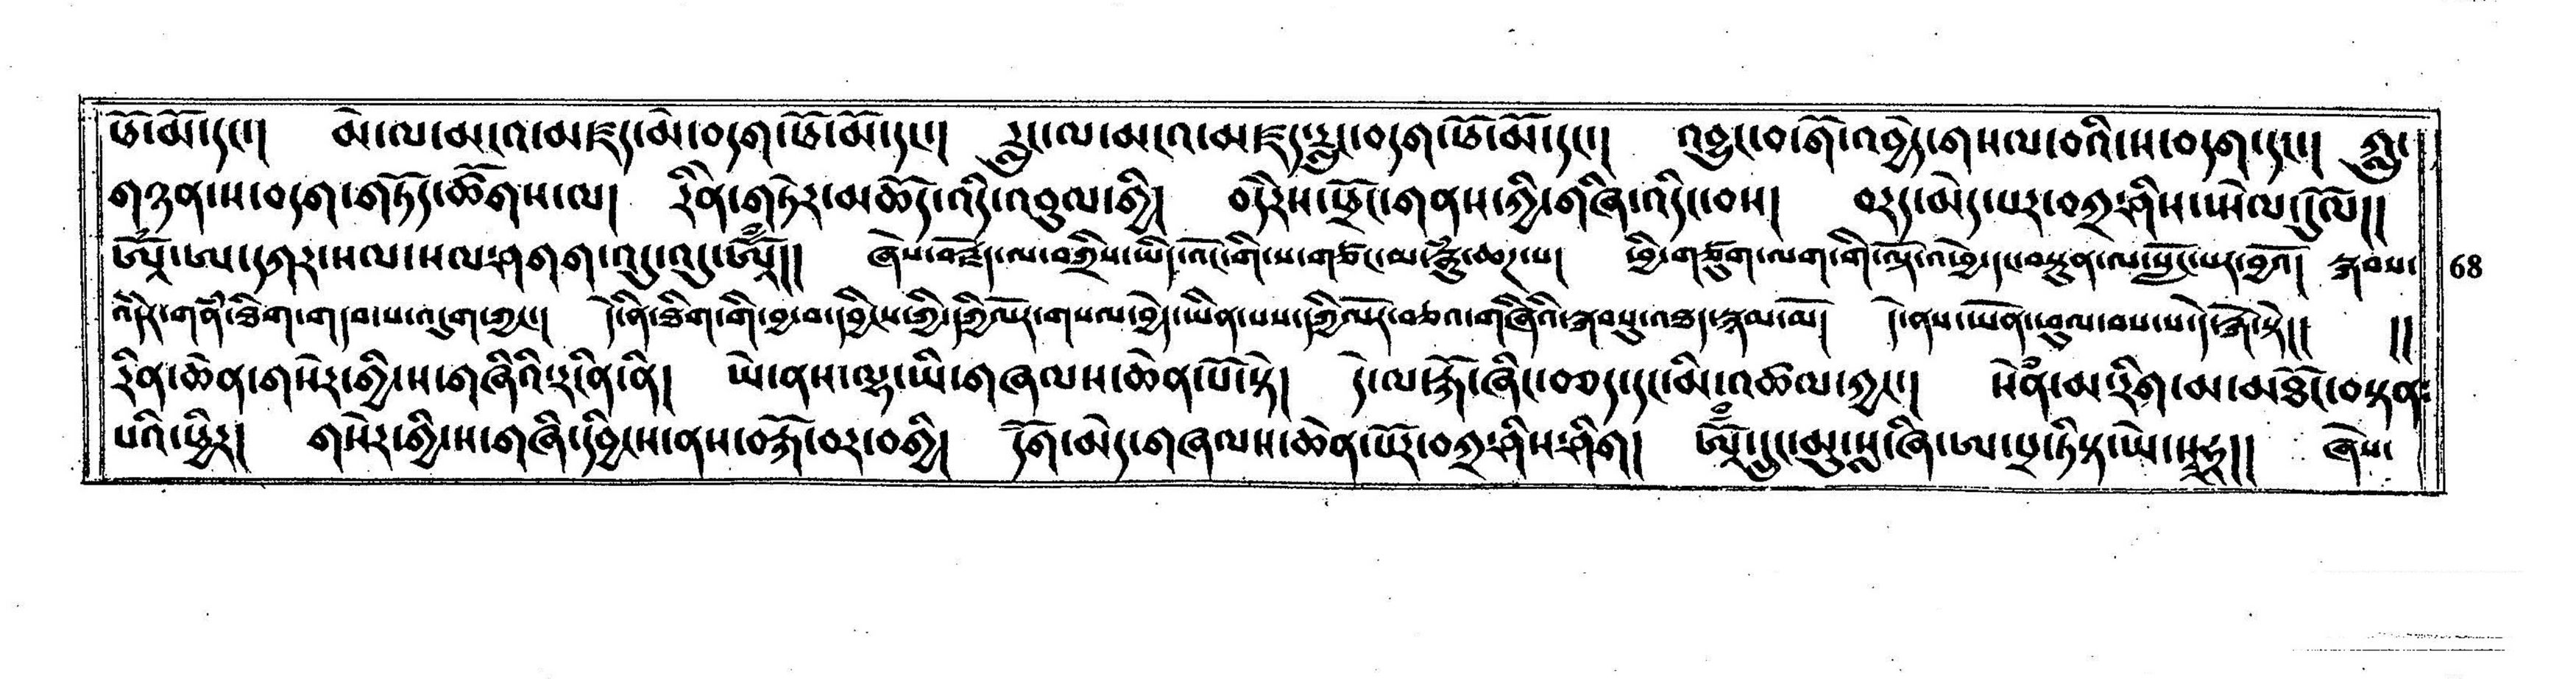ཕོ་མོ་དང་། མེ་ལ་མངའ་མཛད་མེ་བདག་ཕོ་མོ་དང་། རླུང་ལ་མངའ་མཛད་རླུང་བདག་ཕོ་མོ་དང་། འབྱུང་བ་གོ་འབྱེད་གསལ་བའི་ས་བདག་དང་། ཀླུ་
གཉན་ས་བདག་གཏོད་ཚོགས་ལ། རིན་ཆེན་གཏེར་མཆོད་འདི་འབུལ་གྱི། བདེར་གཤེགས་ཕོ་བྲང་གནས་ཀྱི་གཞི་འདིང་བས། བར་ཆད་མེད་པར་བཀྲ་ཤིས་སྤེལ་དུ་གསོལ།། 
ཨཱོཾ་ཨ་དཀར་སལ་སལ་ཤག་ཤག་འདུ་འདུ་ཨཱོཾ།། ཞེས་བརྗོད་ལ་བཀྲ་ཤིས་ཡིད་འོང་གི་ས་གཙང་མ་སྣུམ་ཆགས་པ། ཕྱི་གཙུག་ལག་གི་ལྟོ་འཕྱེ་དང་བསྟུན་ལ་སློང་པར་བྱའོ། སྐབས་
འདིར་གནམ་ཐིག་གདབ་པ་འདུག་ཀྱང་། དེ་ནི་ཐིག་གི་བྱ་བ་དབྱིངས་ཀྱི་དཀྱིལ་འཁོར་གསལ་བྱེད་ཡིན་པས་དཀྱིལ་འཁོར་བཅའ་གཞིའི་སྐབས་སུ་འཐད་སྙམ་མོ། དེ་ནས་ཡོན་ཕུལ་བས་ས་དེ་བརྐོ་སྟེ།། །།
རིན་ཆེན་གསེར་གྱི་ས་གཞིའི་རང་བཞིན་ནི། ཡེ་ནས་ལྷ་ཡི་གཞལ་ཡས་ཆེན་པོ་སྟེ། དེ་ལ་རྐོ་ཞིང་བཅད་དང་མི་འཚལ་ཀྱང་། སེམས་ཅན་མ་རིག་མ་མཐོང་བསྟན་
པའི་ཕྱིར། གསེར་གྱི་ས་གཞི་དབྱིངས་ནས་བརྐོ་བར་བགྱི། དོག་མེད་གཞལ་ཡས་ཆེན་པོར་བཀྲ་ཤིས་ཤིག ཨཱོཾ་དྲུང་མུ་སླ་ཞི་ཨ་པྲ་ཏིསྟ་ཡེ་སྭཱཧཱ།། ཞེས་